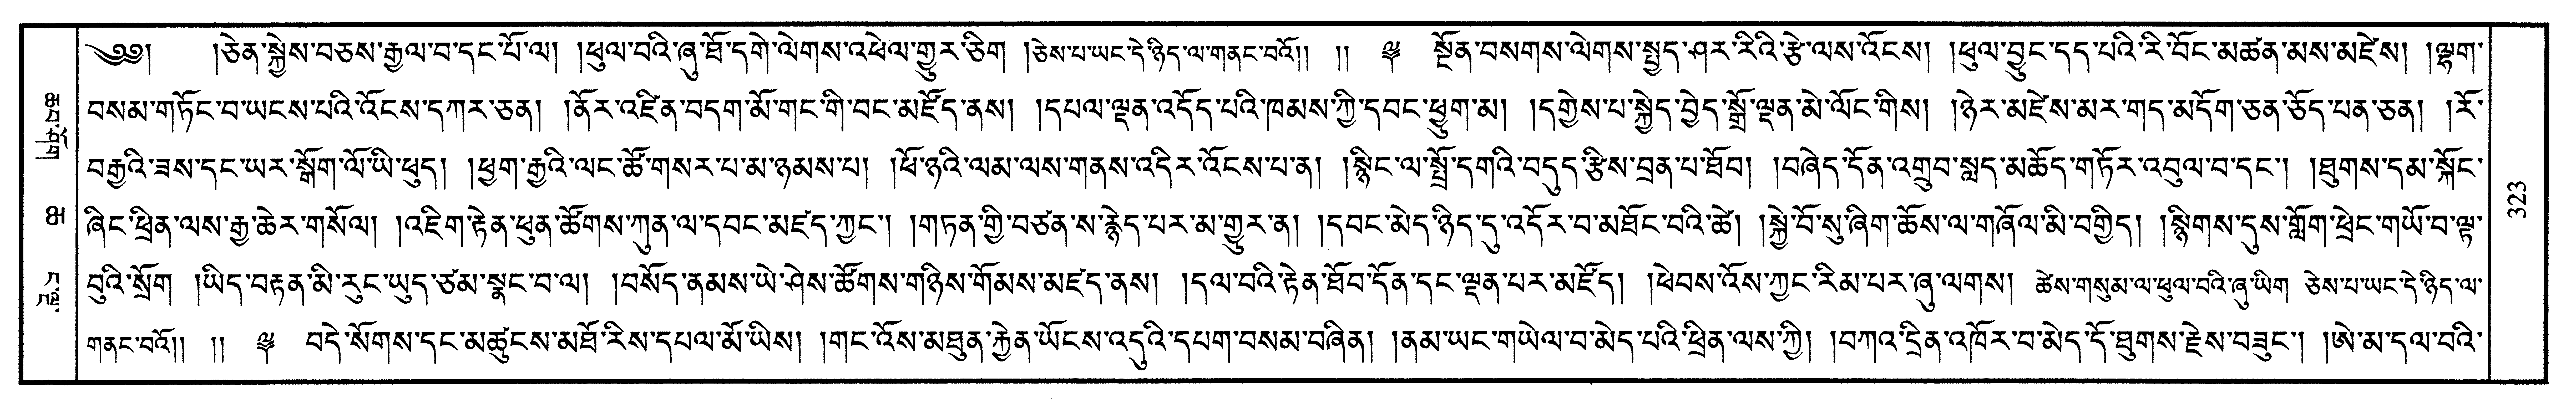༄༅། །ཅེན་སྐྱེས་བཅས་རྒྱལ་བ་དང་པོ་ལ། །ཕུལ་བའི་ཞུ་ཐོ་དགེ་ལེགས་འཕེལ་གྱུར་ཅིག །ཅེས་པ་ཡང་དེ་ཉིད་ལ་གནང་བའོ།། །། ༈ སྔོན་བསགས་ལེགས་སྤྱད་ཤར་རིའི་རྩེ་ལས་འོངས། །ཕུལ་བྱུང་དད་པའི་རི་བོང་མཚན་མས་མཛེས། །ལྷག་
བསམ་གཏོང་བ་ཡངས་པའི་འོངས་དཀར་ཅན། །ནོར་འཛིན་བདག་མོ་གང་གི་བང་མཛོད་ནས། །དཔལ་ལྡན་འདོད་པའི་ཁམས་ཀྱི་དབང་ཕྱུག་མ། །དགྱེས་པ་སྐྱེད་བྱེད་སྒྲོ་ལྡན་མེ་ལོང་གིས། །ཉེར་མཛེས་མར་གད་མདོག་ཅན་ཅོད་པན་ཅན། །རོ་
བརྒྱའི་ཟས་དང་ཡར་སྒོག་ལོ་ཡི་ཕུད། །ཕྱག་རྒྱའི་ལང་ཚོ་གསར་པ་མ་ཉམས་པ། །ཕོ་ཉའི་ལམ་ལས་གནས་འདིར་འོངས་པ་ན། །སྙིང་ལ་སྤྲོ་དགའི་བདུད་རྩིས་བྲན་པ་ཐོབ། །བཞེད་དོན་འགྲུབ་སླད་མཆོད་གཏོར་འབུལ་བ་དང་། །ཐུགས་དམ་སྐོང་
ཞིང་ཕྲིན་ལས་རྒྱ་ཆེར་གསོལ། །འཇིག་རྟེན་ཕུན་ཚོགས་ཀུན་ལ་དབང་མཛད་ཀྱང་། །གཏན་གྱི་བཙན་ས་རྙེད་པར་མ་གྱུར་ན། །དབང་མེད་ཉིད་དུ་འདོར་བ་མཐོང་བའི་ཚེ། །སྐྱེ་བོ་སུ་ཞིག་ཆོས་ལ་གཞོལ་མི་བགྱིད། །སྙིགས་དུས་གློག་ཕྲེང་གཡོ་བ་ལྟ་
བུའི་སྲོག །ཡིད་བརྟན་མི་རུང་ཡུད་ཙམ་སྣང་བ་ལ། །བསོད་ནམས་ཡེ་ཤེས་ཚོགས་གཉིས་གོམས་མཛད་ནས། །དལ་བའི་རྟེན་ཐོབ་དོན་དང་ལྡན་པར་མཛོད། །ཕེབས་འོས་ཀྱང་རིམ་པར་ཞུ་ལགས། ཚེས་གསུམ་ལ་ཕུལ་བའི་ཞུ་ཡིག་ཅེས་པ་ཡང་དེ་ཉིད་ལ་
གནང་བའོ།། །། ༈ བདེ་སོགས་དང་མཚུངས་མཐོ་རིས་དཔལ་མོ་ཡིས། །གང་འོས་མཐུན་རྐྱེན་ཡོངས་འདུའི་དཔག་བསམ་བཞིན། །ནམ་ཡང་གཡེལ་བ་མེད་པའི་ཕྲིན་ལས་ཀྱི། །བཀའ་དྲིན་འཁོར་བ་མེད་དོ་ཐུགས་རྗེས་བཟུང་། །ཨེ་མ་དལ་བའི་